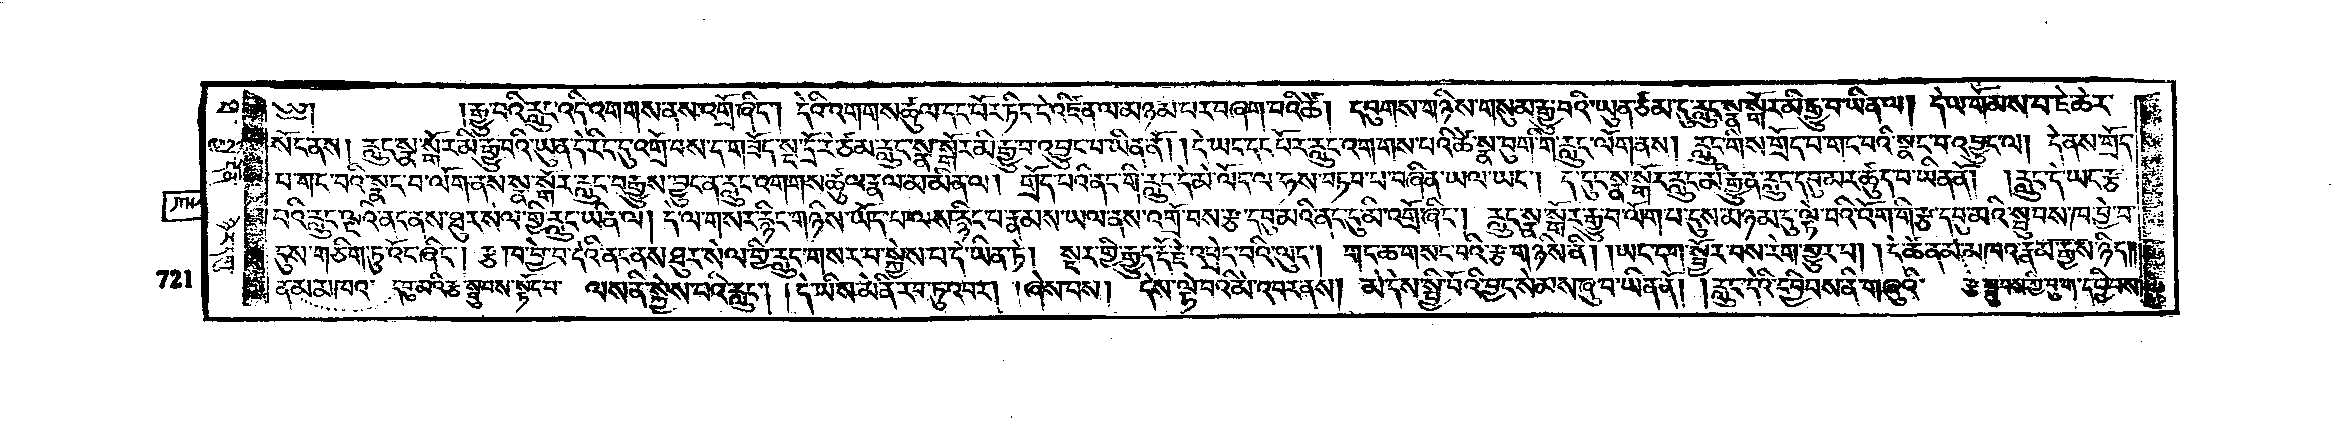༄༅། །རྒྱུ་བའི་རླུང་འདི་འགགས་ནས་འགྲོ་ཞིང་། དེའི་འགགས་ཚུལ་དང་པོར་ཏིང་ངེ་འཛིན་ལ་མཉམ་པར་བཞག་པའི་ཚེ། དབུགས་གཉིས་གསུམ་རྒྱུ་བའི་ཡུན་ཙམ་དུ་རླུང་སྣ་སྒོར་མི་རྒྱུ་བ་ཡིན་ལ། དེ་ལ་གོམས་པ་ཇེ་ཆེར་
སོང་ནས། རླུང་སྣ་སྒོར་མི་རྒྱུ་བའི་ཡུན་དེ་རིང་དུ་འགྲོ་བས་དེ་གཟོད་སྔ་དྲོ་རེ་ཙམ་རླུང་སྣ་སྒོར་མི་རྒྱུ་བ་འབྱུང་བ་ཡིན་ནོ། །དེ་ཡང་དང་པོར་རླུང་འགགས་པའི་ཚེ་སྣ་བུག་གི་རླུང་ལོག་ནས། རླུང་གིས་གྲོད་པ་གང་བའི་སྣང་བ་འབྱུང་ལ། དེ་ནས་གྲོད་
པ་གང་བའི་སྣང་བ་ལོག་ནས་སྣ་སྒོར་རླུང་བརྒྱུས་བྱུང་ན་རླུང་འགགས་ཚུལ་རྣལ་མ་མིན་ལ། གྲོད་པའི་ནང་གི་རླུང་དེ་མེ་ལོང་ལ་ཧས་བཏབ་པ་བཞིན་ཡལ་ཡང་། ད་དུང་སྣ་སྒོར་རླུང་མི་རྒྱུ་ན་རླུང་དབུ་མར་ཚུད་པ་ཡིན་ནོ། །རླུང་དེ་ཡང་རྩ་
བའི་རླུང་ལྔའི་ནང་ནས་ཐུར་སེལ་གྱི་རླུང་ཡིན་ལ། དེ་ལ་གསར་རྙིང་གཉིས་ཡོད་པ་ལས་རྙིང་པ་རྣམས་ཡལ་ནས་འགྲོ་བས་རྩ་དབུ་མའི་ནང་དུ་མི་འགྲོ་ཞིང་། རླུང་སྣ་སྒོར་རྒྱུ་བ་ལོག་པ་དུས་མཉམ་དུ་ལྟེ་བའི་འོག་གི་རྩ་དབུ་མའི་སྦུབས་ཁ་བྱེ་བ་
དུས་གཅིག་ཏུ་འོང་ཞིང་། རྩ་ཁ་བྱེ་བ་དེའི་ནང་ནས་ཐུར་སེལ་གྱི་རླུང་གསར་པ་སྐྱེས་པ་དེ་ཡིན་ཏེ། སྔར་གྱི་རྒྱུད་རྡོ་རྗེ་འཕྲེང་བའི་ལུང་། གང་ཆ་གསང་བའི་རྩ་གཉིས་ནི། །ཡང་དག་སྦྱོར་བས་རེག་གྱུར་པ། །དེ་ཚེ་ནམ་མཁའ་རྣམ་རྒྱས་ཉིད། །
ནམ་མཁའ་དབུ་མའི་རྩ་སྦུབས་སྟོང་པ་ལས་ནི་སྐྱེས་པའི་རླུང་། །དེ་ཡིས་མེ་ནི་རབ་ཏུ་འབར། །ཞེས་པས། དེས་ལྟེ་བའི་མེ་འབར་ནས། མེ་དེས་སྤྱི་བོའི་བྱང་སེམས་ཞུ་བ་ཡིན་ནོ། །རླུང་དེའི་དབྱིབས་ནི་གཞུའི་རྩ་སྦུབས་ཀྱི་བུ་ག་དབྱིབས་